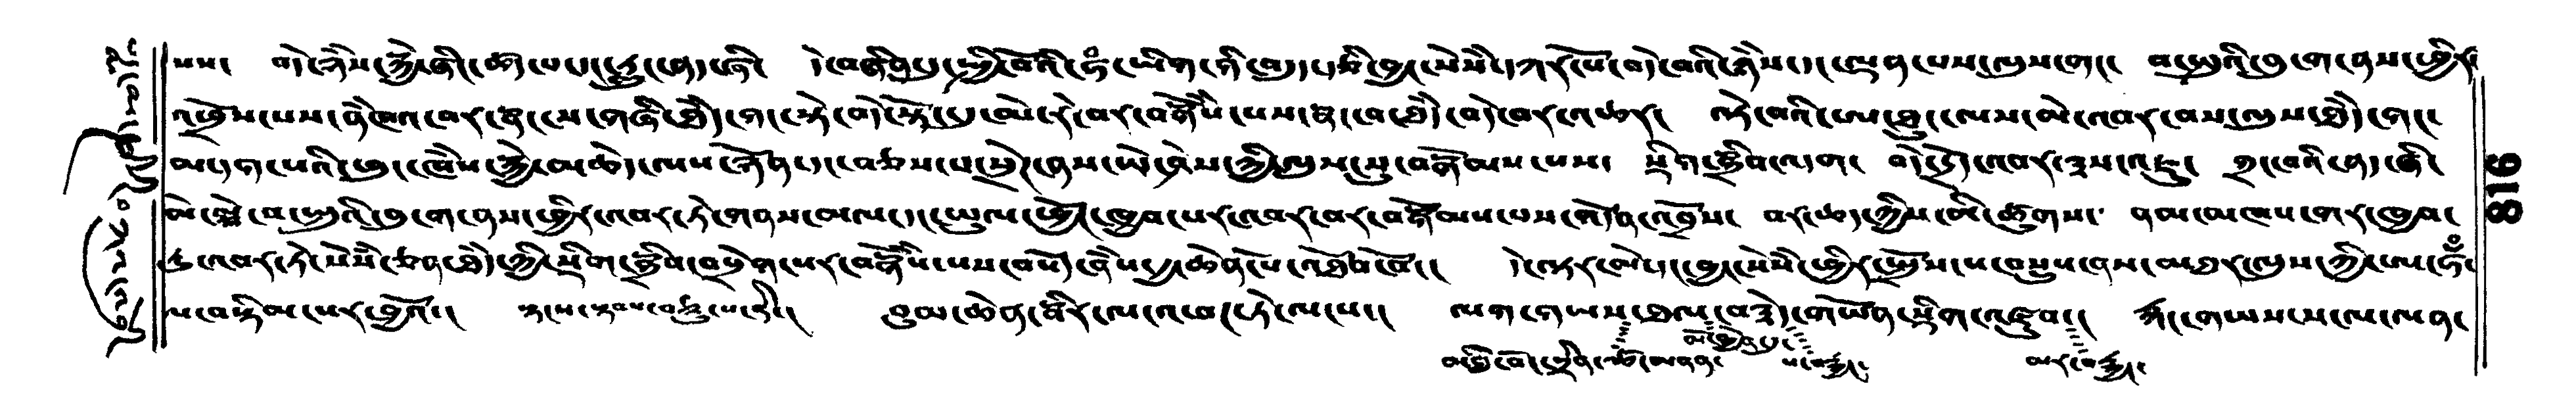པས། བདེ་ཉམས་སྐྱེ་ཞིང་ཚད་པ་དང་རླུང་ནད་ཞི། དེ་བཞིན་དུ་སྤྱི་བོའི་ཧཾ་ཡིག་གི་བདུད་རྩི་བྱང་སེམས་དཀར་པོ་བདེ་བའི་ཉམས་དང་ལྡན་པས་ལུས་གང་།བ་སྤུའི་བུ་ག་ནས་ཕྱིར་
འཕྲོས་པས་ནམ་མཁའ་བར་སྣང་ས་གཞི་ཐམས་ཅད་གང་སྟེ་བདེ་སྟོང་དུ་མེ་རེ་བར་བསྒོམས་པས་སྣང་བ་ཐམས་ཅད་བདེ་བར་འཆར། ལྟེ་བའི་ཨ་ཐུང་ལས་མེ་འབར་བས་ལུས་ཐམས་ཅད་གང་། 
མ་དག་པའི་ཕུང་ཁམས་སྐྱེ་མཆེད་ལས་ཉོན་དང་བཅས་པ་སྲེགས་ནས་ཡེ་ཤེས་ཀྱི་ལུས་སུ་བསྒོམས་པས། སྡིག་སྒྲིབ་དག བདེ་དྲོད་འབར། ཟས་འཇུ། གྲང་བའི་ནད་ཞི། 
མེ་ལྕེ་བ་སྤུའི་བུ་ག་ནས་ཕྱིར་འབར་ཏེ་གནས་མལ་དང་ཡུལ་ཕྱོགས་ཁྱབ་པར་འབར་བར་བསྒོམས་པས་གདོན་འབྲོས། བར་ཆད་ཀྱིས་མི་ཚུགས། ནམ་མཁའ་གར་ཁྱབ་
ཏུ་འབར་ཏེ་སེམས་ཅན་ཐམས་ཅད་ཀྱི་སྡིག་སྒྲིབ་བསྲེགས་པར་བསྒོམས་པས་བསོད་ནམས་རྒྱ་ཆེན་པོ་འཐོབ་བོ། དེ་ལྟར་མེ་དང་བྱང་སེམས་ཕྱིར་སྤྲོས་པ་བསྡུས་ནས་མཐར་ལུས་ཀྱི་ཨ་ཧཾ་
ལ་བསྟིམ་པར་བྱའོ། སྟང་སྟབས་བཅུ་པ་ནི། བུམ་ཆེན་སྦིར་ལ་འཕགས་ཏེ་ལངས། །ལག་གཡས་ཐལ་བཟེད་གཡོན་སྡིགས་འཛུབ། རྐང་གཡས་ས་ལ་ལན་